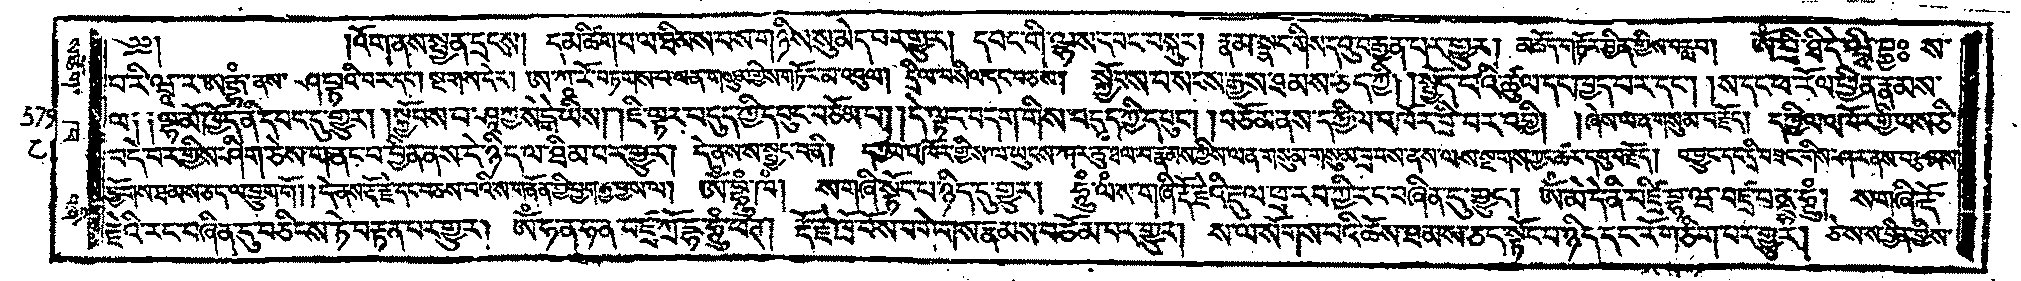༄༅། །འོག་ནས་སྤྱན་དྲངས། དམ་ཚིག་བ་ལ་ཐིམས་པས་གཉིས་སུ་མེད་བར་གྱུར། དབང་གི་ལྷས་དབང་བསྐུར། རྣམ་སྣང་གིས་དབུ་བརྒྱན་པར་གྱུར། མཆོད་གཏོར་བྱིན་གྱིས་བརླབ།  ཨོཾ་པྲི་ཐི་དེ་ཝཱི་བྷྱཿ ས་
པ་རི་ཝཱ་ར་ཨརྒྷཾ་ནས་ཤཔྟའི་བར་དང་། སྔགས་དེར།  ཨ་ཀཱ་རོ་བཏགས་པ་ལན་གསུམ་གྱིས་གཏོར་མ་འབུལ། དྲིལ་བསིལ་དང་བཅས།  སྐྱོབས་པ་སངས་རྒྱས་ཐམས་ཅད་ཀྱི། །སྤྱོད་པའི་ཚུལ་དང་ཁྱད་པར་དང་། །ས་དང་ཕ་རོལ་ཕྱིན་རྣམས་
ལ༑ ༑ལྷ་མོ་ཁྱོད་ནི་དབང་དུ་གྱུར། །སྐྱོབས་པ་ཤཱཀྱ་སེངྒེ་ཡིས། །ཇི་ལྟར་བདུད་ཀྱི་དཔུང་བཅོམ་པ། །དེ་ལྟར་བདག་གིས་བདུད་ཀྱི་དཔུང་། །བཅོམ་ནས་དཀྱིལ་འཁོར་བྲི་བར་བགྱི། །ཞེས་ལན་གསུམ་བརྗོད།  དཀྱིལ་འཁོར་གྱི་ལས་ཅི་
བདེ་བར་གྱིས་ཤིག་ཅེས་གནང་བ་བྱིན་ནས་དེ་ཉིད་ལ་ཐིམ་པར་གྱུར། དེ་ནས་ས་སྤྱང་བ་ནི། དཀྱིལ་འཁོར་གྱིས་ལ་ཡུངས་ཀར་ཆུ་ཐལ་བ་རྣམས་ཀྱིས་ལན་གསུམ་གསུམ་བྲབས་ནས་ལས་སྔགས་ཀྱང་ཚར་དགུ་བརྗོད། བ་བྱུང་དང་དྲི་བཟང་གིས་ཤར་ནས་བརྩམས་
ཕྱོགས་ཐམས་ཅད་ལ་བྱུག་གོ། །དེ་ནས་རྡོ་རྗེ་དང་བཅས་པའི་ས་གནོན་གྱི་ཕྱག་རྒྱ་ཕྱགས་ལ། ཨོཾ་བྷཱུཾ་ཁཾ། ས་གཞི་སྟོང་པ་ཉིད་དུ་གྱུར། ཧཱུཾ་ལཾ་ས་གཞི་རྡོ་རྗེའི་རྡུལ་ཕྲ་རབ་ཀྱི་རང་བཞིན་དུ་གྱུར། ཨོཾ་མེ་དེ་ནི་བཛྲི་བྷ་ཝ་བཛྲ་བནྡྷ་ཧཱུཾ། ས་གཞི་རྡོ་
རྗེའི་རང་བཞིན་དུ་བཅིངས་ཏེ་བརྟན་པར་གྱུར། ཨོཾ་ཧ་ན་ཧ་ན་བཛྲ་ཀྲོ་དྷ་ཧཱུཾ་ཕཊ། རྡོ་རྗེ་ཁྲོ་བོས་བགེགས་རྣམས་བཅོམ་པར་གྱུར། ས་ལ་སོགས་པའི་ཆོས་ཐམས་ཅད་སྟོང་པ་ཉིད་དང་རོ་གཅིག་པར་གྱུར། ཅེས་ས་བྱིན་གྱིས་